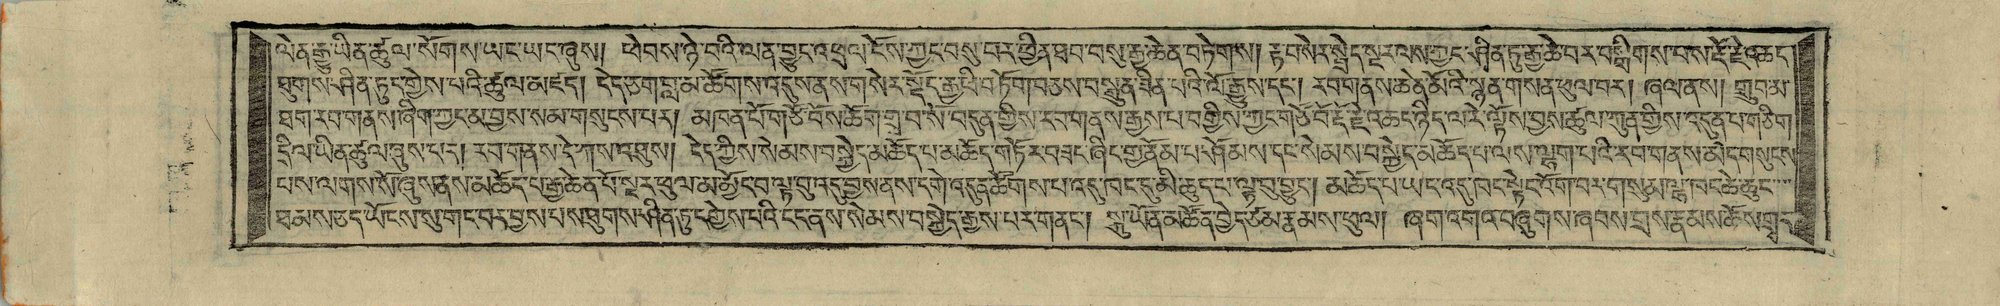ལེན་རྒྱུ་ཡིན་ཚུལ་སོགས་ཡང་ཡང་ཞུས། ཕེབས་ཉེ་བའི་ལན་བྱུང་འཕྲལ་ངོས་ཀྱང་བསུ་བར་ཕྱིན་ཐབ་བསུ་རྒྱ་ཆེན་བཏེགས། རྟ་བསེར་སྦྲེད་སྔར་ལས་ཀྱང་ཤིན་ཏུ་རྒྱ་ཆེ་བར་བསྒྲིགས་པས་རྡོ་རྗེ་འཆང་
ཐུགས་ཤིན་ཏུ་དགྱེས་པའི་ཚུལ་མཛད། ངེད་ཅག་བླ་མ་ཚོགས་འདུས་ནས་གསེར་སྡོང་རྒྱ་ཕི་བཏོག་བཅས་བསྐྲུན་ཟིན་པའི་ལོ་རྒྱུས་དང་། རབ་གནས་ཆེན་མོའི་སྙན་གསན་ཕུལ་བར། ཞལ་ནས། གྲུབ་མ་
ཐག་རབ་གནས་ཞིག་ཀྱང་མ་བྱས་སམ་གསུངས་པར། མཁན་པོ་གཙོ་བོས་ཆོག་གྲྭ་བ་སོ་བདུན་གྱིས་རབ་གནས་རྒྱས་པ་བགྱིས་ཀྱང་གཙོ་བོ་རྡོ་རྗེ་འཆང་ཉིད་ལ་རེ་ལྟོས་བྱས་ཚུལ་ཀུན་གྱིས་འདུན་པ་གཅིག་
དྲིལ་ཡིན་ཚུལ་ཞུས་པར། རབ་གནས་དེ་ཀས་འབུས། ངེད་ཀྱིས་སེམས་བསྐྱེད་མཆོད་པ་མཆོད་གཏོར་བཟང་ཞིང་གྱ་ནོམ་པ་ཤོམས་དང་སེམས་བསྐྱེད་མཆོད་པ་ལས་ལྷག་པའི་རབ་གནས་མེད་གསུངས་
པས་ལགས་སོ་ཞུས་ནས་མཆོད་པ་རྒྱ་ཆེན་པོ་སྔར་ཕུལ་མ་མྱོང་བ་ལྟར་བུ་འདུ་བྱས་ནས་དགེ་འདུན་ཚོགས་པ་འདུ་ཁང་དུ་མི་ཆུད་པ་ལྟ་བུ་བྱུང་། མཆོད་པ་ཡང་འདུ་ཁང་སྟེང་འོག་བར་གསུམ་ལྷ་ཁང་ཆེ་ཆུང་
ཐམས་ཅད་ཡོངས་སུ་གང་བར་བྱས་པས་ཐུགས་ཤིན་ཏུ་དགྱེས་པའི་ངང་ནས་སེམས་བསྐྱེད་རྒྱས་པར་གནང་། སྐུ་ཡོན་མཚོན་བྱེད་ཙམ་རྣམས་ཕུལ། ཞག་འགའ་བཞུགས་ཞབས་གྲས་རྣམས་ཆོས་གྲྭར་